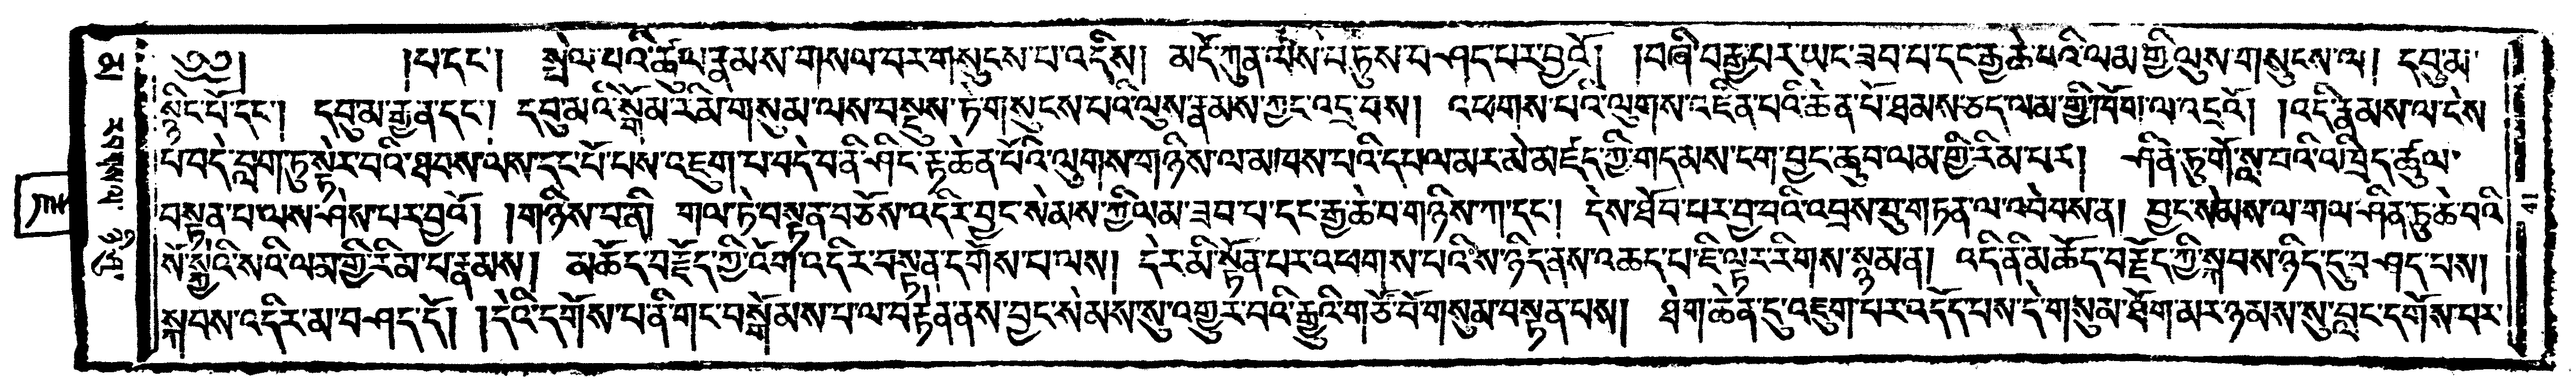༄༅། །པ་དང་། སྤེལ་བའི་ཚུལ་རྣམས་གསལ་བར་གསུངས་པ་འདིས། མདོ་ཀུན་ལས་བཏུས་བཤད་པར་བྱའོ། །བཞི་བརྒྱ་པར་ཡང་ཟབ་པ་དང་རྒྱ་ཆེ་བའི་ལམ་གྱི་ལུས་གསུངས་ལ། དབུ་མ་
སྙིང་པོ་དང་། དབུ་མ་རྒྱན་དང་། དབུ་མའི་སྒོམ་རིམ་གསུམ་ལས་བསྡུས་ཏེ་གསུངས་པའི་ལུས་རྣམས་ཀྱང་འདྲ་བས། འཕགས་པའི་ལུགས་འཛིན་པའི་ཆེན་པོ་ཐམས་ཅད་ལམ་གྱི་ཁོག་ལ་འདྲའོ། །འདི་རྣམས་ལ་ངེས་
པ་བདེ་བླག་ཏུ་སྟེར་བའི་ཐབས་ལས་དང་པོ་པས་འཇུག་པ་བདེ་བ་ནི་ཤིང་རྟ་ཆེན་པོའི་ལུགས་གཉིས་ལ་མཁས་པའི་དཔལ་མར་མེ་མཛད་ཀྱི་གདམས་ངག་བྱང་ཆུབ་ལམ་གྱི་རིམ་པར། ཤིན་ཏུ་གོ་སླ་བའི་འཁྲིད་ཚུལ་
བསྟན་པ་ལས་ཤེས་པར་བྱའོ། །གཉིས་པ་ནི། གལ་ཏེ་བསྟན་བཅོས་འདིར་བྱང་སེམས་ཀྱི་ལམ་ཟབ་པ་དང་རྒྱ་ཆེ་བ་གཉིས་ཀ་དང་། དེས་ཐོབ་པར་བྱ་བའི་འབྲས་བུ་གཏན་ལ་འབེབས་ན། བྱང་སེམས་ལ་གལ་ཤིན་ཏུ་ཆེ་བའི་
སོ་སྐྱེའི་སའི་ལམ་གྱི་རིམ་པ་རྣམས། མཆོད་བརྗོད་ཀྱི་འོག་འདིར་བསྟན་དགོས་པ་ལས། དེར་མི་སྟོན་པར་འཕགས་པའི་ས་ཉིད་ནས་འཆད་པ་ཇི་ལྟར་རིགས་སྙམ་ན། འདི་ནི་མཆོད་བརྗོད་ཀྱི་སྐབས་ཉིད་དུ་བཤད་པས།
སྐབས་འདིར་མ་བཤད་དོ། །དེའི་དགོས་པ་ནི་གང་བསྒོམས་པ་ལ་བརྟེན་ནས་བྱང་སེམས་སུ་འགྱུར་བའི་རྒྱུའི་གཙོ་བོ་གསུམ་བསྟན་པས། ཐེག་ཆེན་དུ་འཇུག་པར་འདོད་པས་དེ་གསུམ་ཐོག་མར་ཉམས་སུ་བླང་དགོས་པར་